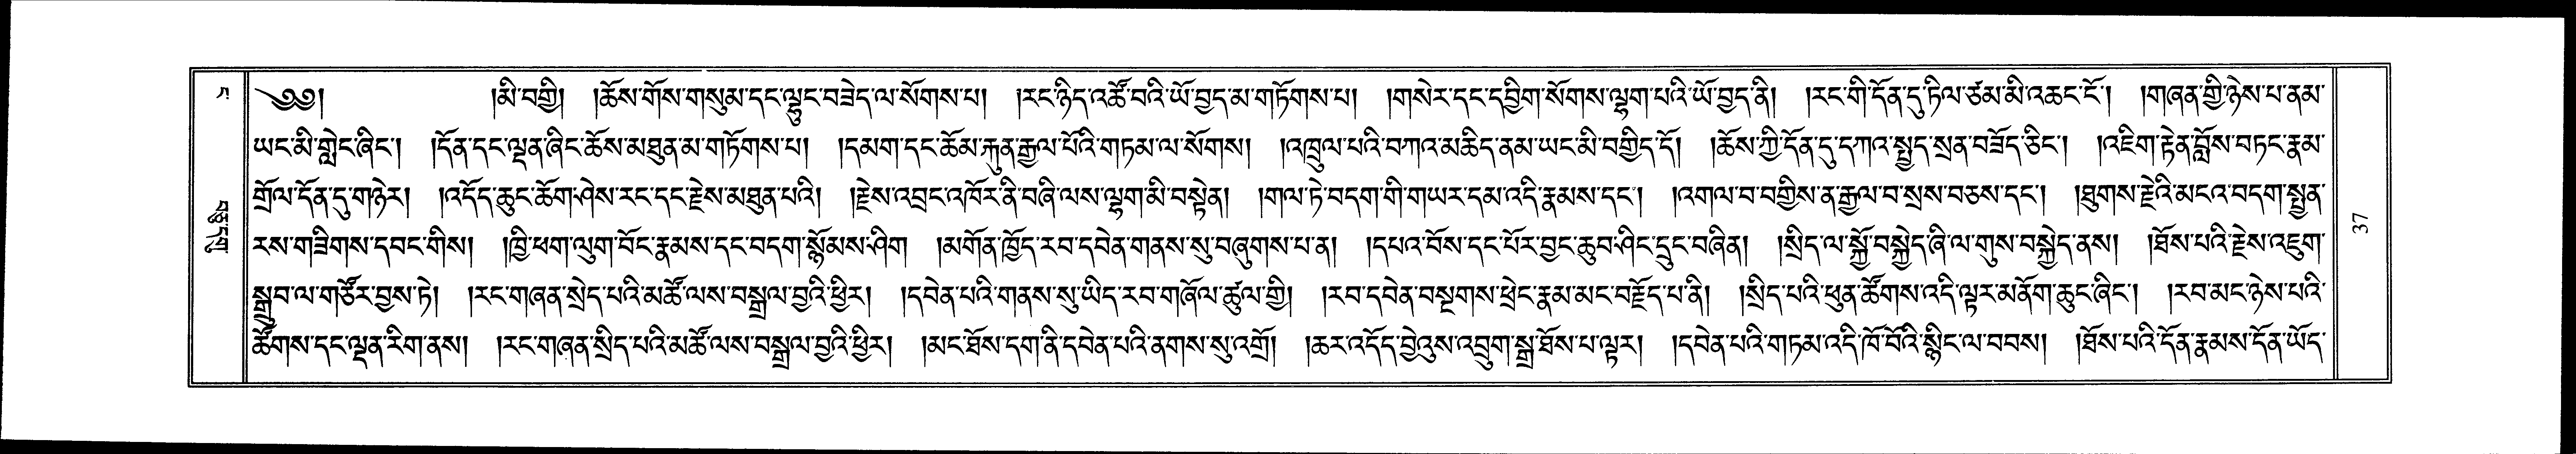༄༅། །མི་བགྱི། །ཆོས་གོས་གསུམ་དང་ལྷུང་བཟེད་ལ་སོགས་པ། །རང་ཉིད་འཚོ་བའི་ཡོ་བྱད་མ་གཏོགས་པ། །གསེར་དང་དབྱིག་སོགས་ལྷག་པའི་ཡོ་བྱད་ནི། །རང་གི་དོན་དུ་ཏིལ་ཙམ་མི་འཆང་ངོ། །གཞན་གྱི་ཉེས་པ་ནམ་
ཡང་མི་གླེང་ཞིང་། །དོན་དང་ལྡན་ཞིང་ཆོས་མཐུན་མ་གཏོགས་པ། །དམག་དང་ཆོམ་རྐུན་རྒྱལ་པོའི་གཏམ་ལ་སོགས། །འཁྲུལ་པའི་བཀའ་མཆིད་ནམ་ཡང་མི་བགྱིད་དོ། །ཆོས་ཀྱི་དོན་དུ་དཀའ་སྤྱད་སྲན་བཟོད་ཅིང་། །འཇིག་རྟེན་བློས་བཏང་རྣམ་
གྲོལ་དོན་དུ་གཉེར། །འདོད་ཆུང་ཆོག་ཤེས་རང་དང་རྗེས་མཐུན་པའི། །རྗེས་འབྲང་འཁོར་ནི་བཞི་ལས་ལྷག་མི་བསྟེན། །གལ་ཏེ་བདག་གི་གཡར་དམ་འདི་རྣམས་དང་། །འགལ་བ་བགྱིས་ན་རྒྱལ་བ་སྲས་བཅས་དང་། །ཐུགས་རྗེའི་མངའ་བདག་སྤྱན་
རས་གཟིགས་དབང་གིས། །ཁྱི་ཕག་ལུག་བོང་རྣམས་དང་བདག་སྙོམས་ཤིག །མགོན་ཁྱོད་རབ་དབེན་གནས་སུ་བཞུགས་པ་ན། །དཔའ་བོས་དང་པོར་བྱང་ཆུབ་ཤིང་དྲུང་བཞིན། །སྲིད་ལ་སྐྱོ་བསྐྱེད་ཞི་ལ་གུས་བསྐྱེད་ནས། །ཐོས་པའི་རྗེས་འཇུག་
སྒྲུབ་ལ་གཙོར་བྱས་ཏེ། །རང་གཞན་སྲེད་པའི་མཚོ་ལས་བསྒྲལ་བྱའི་ཕྱིར། །དབེན་པའི་གནས་སུ་ཡིད་རབ་གཞོལ་ཚུལ་གྱི། །རབ་དབེན་བསྔགས་ཕྲེང་རྣམ་མང་བརྗོད་པ་ནི། །སྲིད་པའི་ཕུན་ཚོགས་འདི་ལྟར་མནོག་ཆུང་ཞིང་། །རབ་མང་ཉེས་པའི་
ཚོགས་དང་ལྡན་རིག་ནས། །རང་གཞན་སྲིད་པའི་མཚོ་ལས་བསྒྲལ་བྱའི་ཕྱིར། །མང་ཐོས་དག་ནི་དབེན་པའི་ནགས་སུ་འགྲོ། །ཆར་འདོད་བྱེའུས་འབྲུག་སྒྲ་ཐོས་པ་ལྟར། །དབེན་པའི་གཏམ་འདི་ཁོ་བོའི་སྙིང་ལ་བབས། །ཐོས་པའི་དོན་རྣམས་དོན་ཡོད་